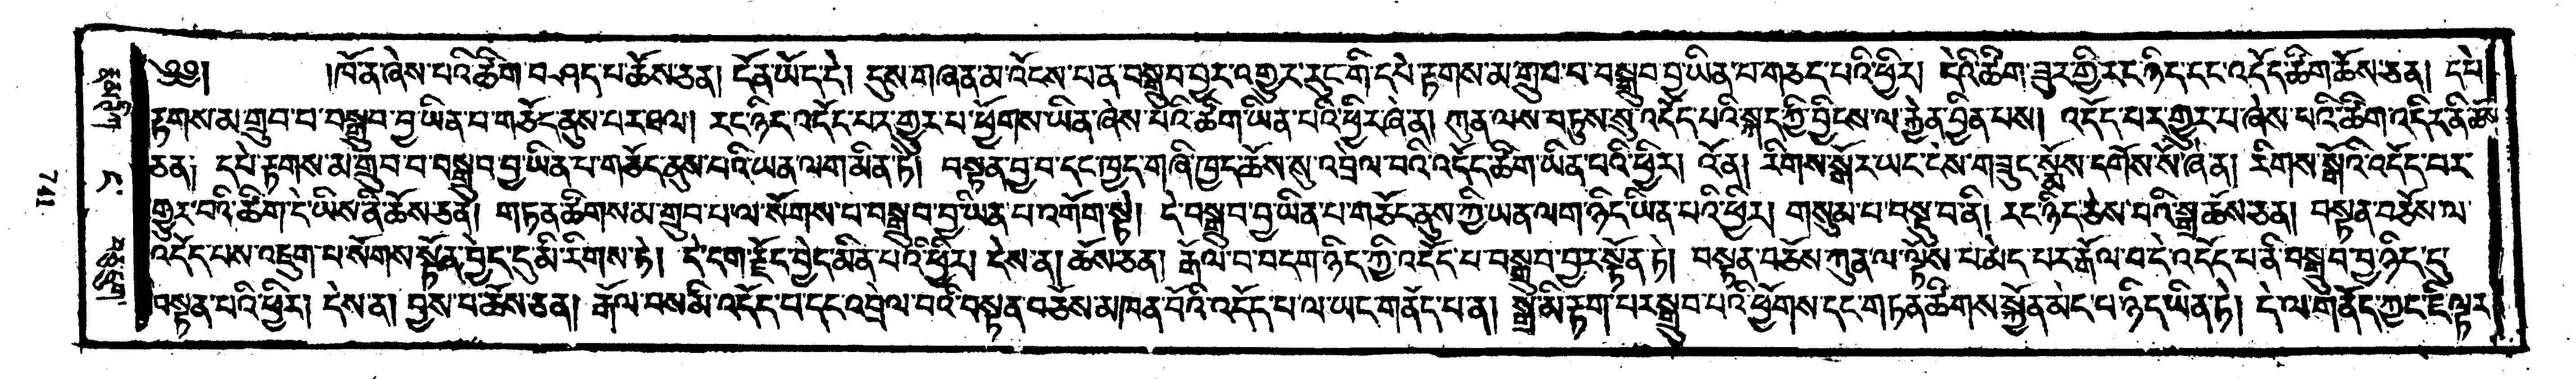༄༅། །ཁོ་ན་ཞེས་པའི་ཚིག་བཤད་པ་ཆོས་ཅན། དོན་ཡོད་དེ། དུས་གཞན་མ་འོངས་པ་ན་བསྒྲུབ་བྱར་འགྱུར་རུང་གི་དཔེ་རྟགས་མ་གྲུབ་བ་བསྒྲུབ་བྱ་ཡིན་པ་གཅད་པའི་ཕྱིར། དེའི་ཚིག་ཟུར་གྱི་རང་ཉིད་དང་འདོད་ཚིག་ཆོས་ཅན། དཔེ་
རྟགས་མ་གྲུབ་བ་བསྒྲུབ་བྱ་ཡིན་པ་གཅོད་ནུས་པར་ཐལ། རང་ཉིད་འདོད་པར་གྱུར་པ་ཕྱོགས་ཡིན་ཞེས་པའི་ཚིག་ཡིན་པའི་ཕྱིར་ཞེ་ན། ཀུན་ལས་བཏུས་སུ་འདོད་པའི་སྐད་ཀྱི་བྱིངས་ལ་རྐྱེན་བྱིན་པས། འདོད་པར་གྱུར་པ་ཞེས་པའི་ཚིག་འདིར་ནི་ཆོས་
ཅན༑ དཔེ་རྟགས་མ་གྲུབ་བ་བསྒྲུབ་བྱ་ཡིན་པ་གཅོད་ནུས་པའི་ཡན་ལག་མིན་ཏེ། བསྟན་བྱ་བ་དང་ཁྱད་གཞི་ཁྱད་ཆོས་སུ་འབྲེལ་བའི་འདོད་ཚིག་ཡིན་པའི་ཕྱིར། འོ་ན། རིགས་སྒོར་ཡང་ངེས་གཟུང་སྨོས་དགོས་སོ་ཞེ་ན། རིགས་སྒོའི་འདོད་བར་
གྱུར་བའི་ཚིག་དེ་ཡིས་ནི་ཆོས་ཅན། གཏན་ཚིགས་མ་གྲུབ་པ་ལ་སོགས་པ་བསྒྲུབ་བྱ་ཡིན་པ་འགོག་སྟེ། དེ་བསྒྲུབ་བྱ་ཡིན་པ་གཅོད་ནུས་ཀྱི་ཡན་ལག་ཉིད་ཡིན་པའི་ཕྱིར། གསུམ་པ་བསྡུ་བ་ནི། རང་ཉིད་ཅེས་པའི་སྒྲ་ཆོས་ཅན། བསྟན་བཅོས་ལ་
འདོད་པས་འཇུག་པ་སོགས་སྟོན་བྱེད་དུ་མི་རིགས་ཏེ། དེ་དག་རྗོད་བྱེད་མིན་པའི་ཕྱིར། དེས་ན། ཆོས་ཅན། རྒོལ་བ་བདག་ཉིད་ཀྱི་འདོད་པ་བསྒྲུབ་བྱར་སྟོན་ཏེ། བསྟན་བཅོས་ཀུན་ལ་ལྟོས་པ་མེད་པར་རྒོལ་བ་དེ་འདོད་པ་ནི་བསྒྲུབ་བྱ་ཉིད་དུ་
བསྟན་པའི་ཕྱིར། དེས་ན། བྱས་པ་ཆོས་ཅན། རྒོལ་བས་མི་འདོད་པ་དང་འབྲེལ་བའི་བསྟན་བཅོས་མཁན་བོའི་འདོད་པ་ལ་ཡང་གནོད་པ་ན། སྒྲ་མི་རྟག་པར་སྒྲུབ་པའི་ཕྱོགས་དང་གཏན་ཚིགས་སྐྱོན་མེད་པ་ཉིད་ཡིན་ཏེ། དེ་ལ་གནོད་ཀྱང་ཇི་ལྟར་